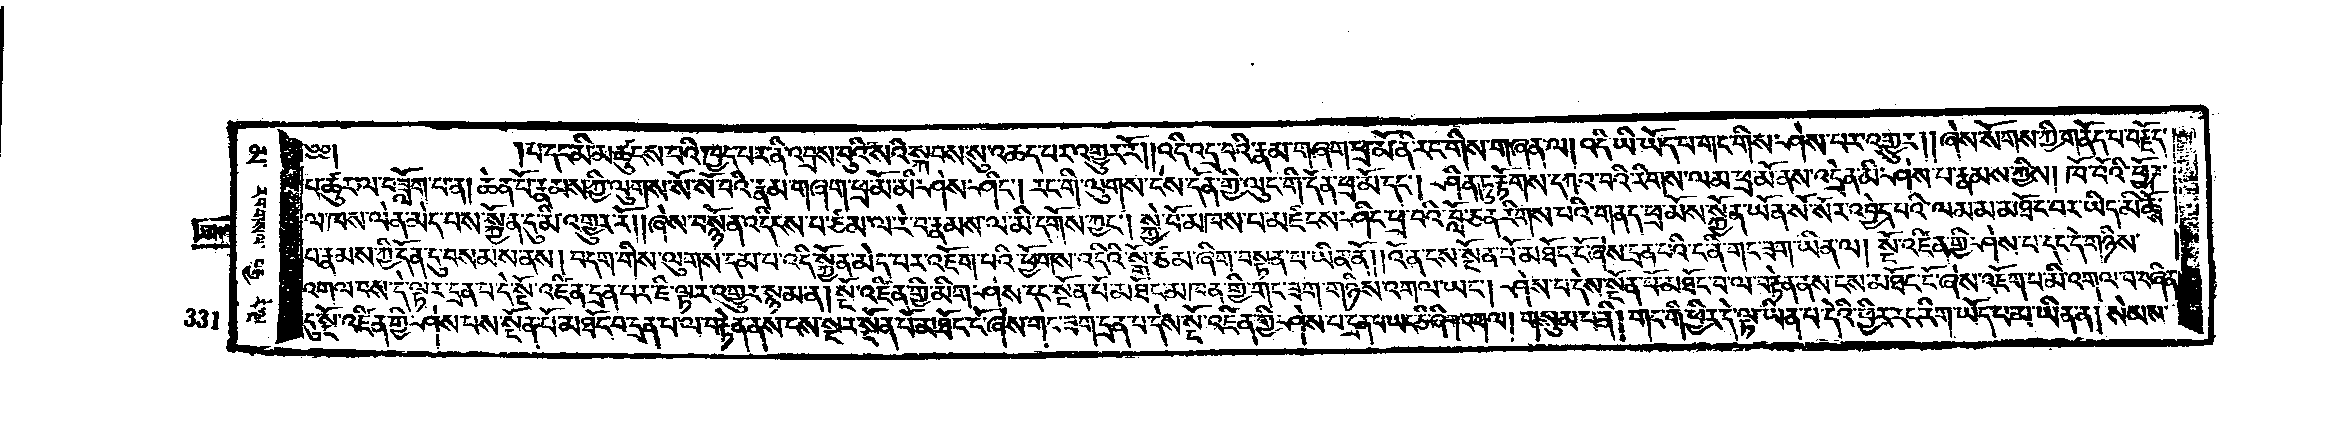༄༅། །པ་དང་མི་མཚུངས་པའི་ཁྱད་པར་ནི་འབྲས་བུའི་སའི་སྐབས་སུ་འཆད་པར་འགྱུར་རོ། །འདི་འདྲ་བའི་རྣམ་གཞག་ཕྲ་མོ་ནི་རང་གིས་གཞན་ལ། འདི་ཡི་ཡོད་པ་གང་གིས་ཤེས་པར་འགྱུར། །ཞེས་སོགས་ཀྱི་གནོད་པ་བརྗོད་
པ་ཚུར་ལ་བཟློག་པ་ན། ཆེན་པོ་རྣམས་ཀྱི་ལུགས་སོ་སོ་བའི་རྣམ་གཞག་ཕྲ་མོ་མི་ཤེས་ཤིང་། རང་གི་ལུགས་ངེས་དོན་གྱི་ལུང་གི་དོན་ཕྲ་མོ་དང་། ཤིན་ཏུ་རྟོགས་དཀའ་བའི་རིགས་ལམ་ཕྲ་མོ་ནས་འདྲེན་མི་ཤེས་པ་རྣམས་ཀྱིས། ཁོ་བོའི་ཕྱོགས་
ལ་ཁས་ལེན་མེད་པས་སྐྱོན་དུ་མི་འགྱུར་རོ། །ཞེས་བསྙོན་འདིངས་པ་ཙམ་ལ་རེ་བ་རྣམས་ལ་མི་དགོས་ཀྱང་། སྐྱེ་བོ་མཁས་པ་མཛངས་ཤིང་ཕྲ་བའི་བློ་ཅན་རིགས་པའི་གནད་ཕྲ་མོས་སྐྱོན་ཡོན་སོ་སོར་འབྱེད་པའི་ལམ་མ་མཐོང་བར་ཡིད་མི་ཆེས་
པ་རྣམས་ཀྱི་དོན་དུ་བསམས་ནས། བདག་གིས་ལུགས་དམ་པ་འདི་སྐྱོན་མེད་པར་འཇོག་པའི་ཕྱོགས་འདིའི་སྒོ་ཙམ་ཞིག་བསྟན་པ་ཡིན་ནོ། །འོ་ན་ངས་སྔོན་པོ་མཐོང་ངོ་ཞེས་དྲན་པའི་ང་ནི་གང་ཟག་ཡིན་ལ། སྔོ་འཛིན་གྱི་ཤེས་པ་དང་དེ་གཉིས་
འགལ་བས་དེ་ལྟར་དྲན་པ་དེ་སྔོ་འཛིན་དྲན་པར་ཇི་ལྟར་འགྱུར་སྙམ་ན། སྔོ་འཛིན་གྱི་མིག་ཤེས་དང་སྔོན་པོ་མཐོང་མཁན་གྱི་གང་ཟག་གཉིས་འགལ་ཡང་། ཤེས་པ་དེས་སྔོན་པོ་མཐོང་བ་ལ་བརྟེན་ནས་ངས་མཐོང་ངོ་ཞེས་འཇོག་པ་མི་འགལ་བ་བཞིན་
དུ་སྔོ་འཛིན་གྱི་ཤེས་པས་སྔོན་པོ་མཐོང་བ་དྲན་པ་ལ་བརྟེན་ནས་ངས་སྔར་སྔོན་པོ་མཐོང་ངོ་ཞེས་གང་ཟག་དྲན་པ་དེས་སྔོ་འཛིན་གྱི་ཤེས་པ་དྲན་པ་ཡང་ཅི་ཞིག་འགལ། གསུམ་པ་ནི། གང་གི་ཕྱིར་དེ་ལྟ་ཡིན་པ་དེའི་ཕྱིར་རང་རིག་ཡོད་པ་མ་ཡིན་ན། སེམས་